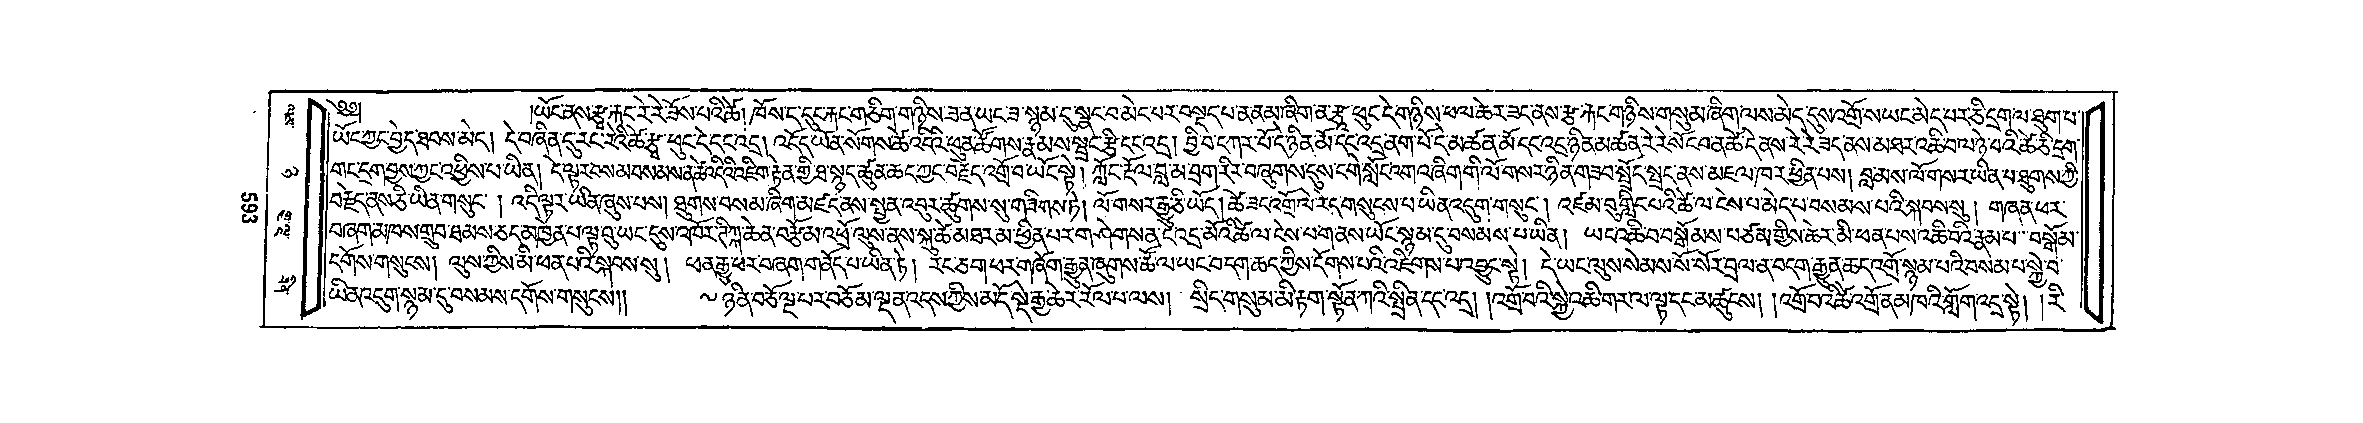༄༅། །ཡོང་ནས་རྩྭ་རྐང་རེ་རེ་ཟོས་པའི་ཚེ། ཁོས་ད་དུང་རྐང་གཅིག་གཉིས་ཟ་ན་ཡང་ཟ་སྙམ་དུ་སྣང་བ་མེད་པར་བསྡད་པ་ན་ནམ་ཞིག་ན་རྩཱ་ཕུང་དེ་གཉིས་ཕལ་ཆེར་ཟད་ནས་རྩ་རྐང་གཉིས་གསུམ་ཞིག་ལས་མེད་དུས་འགྲོ་ས་ཡང་མེད་པར་ཅི་དྲག་ལ་ཐུག་པ་
ཡོང་ཀྱང་བྱེད་ཐབས་མེད། དེ་བཞིན་དུ་རང་རེའི་ཚེ་རྩྭ་ཕུང་དེ་དང་འདྲ། འདོད་ཡོན་སོགས་ཚེ་འདིའི་ཕུན་ཚོགས་རྣམས་སྦྲང་རྩི་དང་འདྲ། བྱི་བ་དཀར་པོ་དེ་ཉིན་མོ་དང་འདྲ་ནག་པོ་དེ་མཚན་མོ་དང་འདྲ་ཉིན་མཚན་རེ་རེ་སོང་བ་ན་ཚེ་དེ་ནས་རེ་རེ་ཟད་ནས་མཐར་འཆི་བ་ལ་ཉེ་བའི་ཚེ་ཅི་དྲག་
གང་དྲག་བྱས་ཀྱང་འཕྱིས་པ་ཡིན། དེ་ལྟར་བསམ་བསམས་ན་ཚེ་འདིའི་འཇིག་རྟེན་གྱི་ཐ་སྙད་ཚུན་ཆད་ཀྱང་བརྗོད་འགྲོ་བ་ཡོང་སྟེ། ཀློང་རྡོལ་བླ་མ་བྲག་རིར་བཞུགས་དུས་དགེ་སློང་འགའ་ཞིག་གི་ལོ་གསར་ཉིན་གཟབ་སྤྲོད་སྤྲད་ནས་མཇལ་ཁར་ཕྱིན་པས། བླ་མས་ལོ་གསར་ཡིན་པ་ཐུགས་ཀྱི་
བརྗེད་ནས་ཅི་ཡིན་གསུང་། འདི་ལྟར་ཡིན་ཞུས་པས། ཐུགས་བསམ་ཞིག་མཛད་ནས་སྤྱན་འབུར་ཚུགས་སུ་གཟིགས་ཏེ། ལོ་གསར་རྒྱུ་ཅི་ཡོད། ཚེ་ཟད་འགྲོ་ལེ་རེད་གསུངས་པ་ཡིན་འདུག་གསུང་། འཛམ་བུ་གླིང་པའི་ཚེ་ལ་ངེས་པ་མེད་པ་བསམས་པའི་སྐབས་སུ། གཞན་ཕར་
བཞག་མཁས་གྲུབ་ཐམས་ཅད་མཁྱེན་པ་ལྟ་བུ་ཡང་དུས་འཁོར་ཊིཀྐ་ཆེན་བརྩོམ་འཕྲོ་ལུས་ནས་སྐུ་ཚེ་མཐར་མ་ཕྱིན་པར་གཤེགས་ན་ང་འདྲ་མོའི་ཚེ་ལ་ངེས་པག་ནས་ཡོང་སྙམ་དུ་བསམས་པ་ཡིན། ཡང་འཆི་བ་བསྒོམས་པ་ཙམ་གྱིས་ཆེར་མི་ཕན་པས་འཆི་བའི་རྣམ་པ་བསྒོམ་
དགོས་གསུངས། ལུས་ཀྱིས་མི་ཕན་པའི་སྐབས་སུ། ཕན་རྒྱུ་ཕར་བཞག་གནོད་པ་ཡིན་ཏེ། རང་ཅག་ཕར་གཞོག་རྒྱུན་ཞུགས་ཚོ་ལ་ཡང་བདག་ཆད་ཀྱིས་དོགས་པའི་འཇིགས་པ་འབྱུང་སྟེ། དེ་ཡང་ལུས་སེམས་སོ་སོར་བྲལ་ན་བདག་རྒྱུན་ཆད་འགྲོ་སྙམ་པའི་བསམ་པ་སྐྱེ་བ་
ཡིན་འདུག་སྙམ་དུ་བསམས་དགོས་གསུངས། །༧ཉིན་བཅོ་ལྔ་པར་བཅོམ་ལྡན་འདས་ཀྱིས་མདོ་སྡེ་རྒྱ་ཆེར་རོལ་པ་ལས། སྲིད་གསུམ་མི་རྟག་སྟོན་ཀའི་སྤྲིན་དང་འདྲ། །འགྲོ་བའི་སྐྱེ་འཆི་གར་ལ་ལྟ་དང་མཚུངས། །འགྲོ་བའི་ཚེ་འགྲོ་ནམ་མཁའི་གློག་འདྲ་སྟེ། །རི་